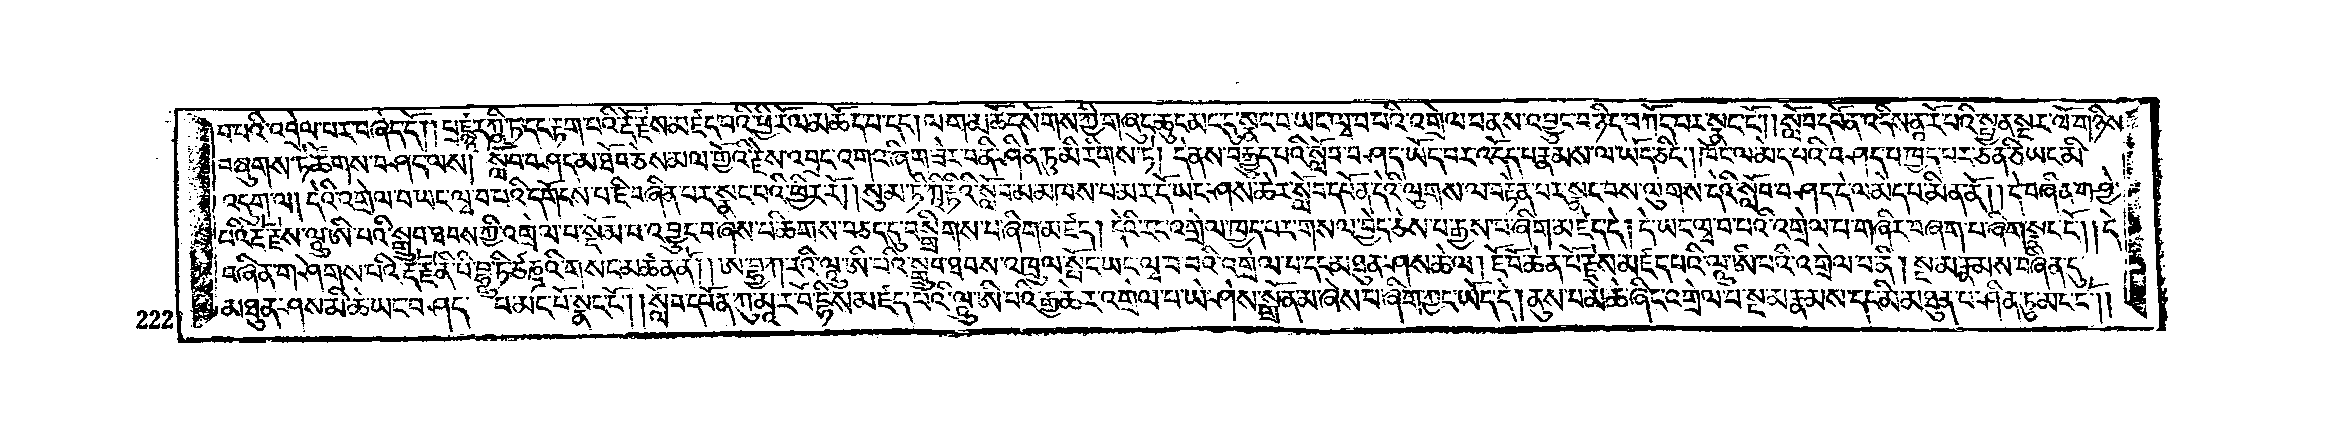བ་པའི་འབྲེལ་པར་བཞེད་དོ། །པྲཛྙའ་རཀྵི་ཏ་དང་རྟག་པའི་རྡོ་རྗེས་མཛད་པའི་ཕྱི་རོལ་མཆོད་པ་དང་། ལག་མཆོད་སོགས་ཀྱི་གཞུང་ཆུང་མང་དུ་སྣང་བ་ཡང་ལྭ་བ་པའི་འགྲེལ་པ་ནས་འབྱུང་བ་ཉིད་བཀོད་པར་སྣང་ངོ། །སློབ་དཔོན་འདིས་ནཱ་རོ་པའི་སྤྱན་སྔར་ལོ་གཉིས་
བཞུགས་ཏེ་ཚོགས་བཤད་ལས། སློབ་བཤད་མ་ཐོབ་ཅེས་མལ་གྱོའི་རྗེས་འབྲང་འགའ་ཞིག་ཟེར་བ་ནི་ཤིན་ཏུ་མི་རིགས་ཏེ། དེ་ནས་བརྒྱུད་པའི་སློབ་བཤད་ཡོད་པར་འདོད་པ་རྣམས་ལ་ཡོད་ཅིང་། ཁོང་ལ་མེད་པའི་བཤད་པ་ཁྱད་པར་ཅན་ཅི་ཡང་མི་
འདུག་ལ། དེའི་འགྲེལ་པ་ཡང་ལྭ་བ་པའི་དགོངས་པ་ཇི་བཞིན་པར་སྣང་བའི་ཕྱིར་རོ། །སུ་མ་ཏི་ཀཱི་རྟིའི་སློབ་མ་མཁས་པ་མར་དོ་ཡང་ཤས་ཆེར་སློབ་དཔོན་དེའི་ལུགས་ལ་བརྟེན་པར་སྣང་བས་ལུགས་དེའི་སློབ་བཤད་དེ་ལ་མེད་པ་མིན་ནོ། །དེ་བཞིན་གཤེགས་
པའི་རྡོ་རྗེས་ལཱུ་ཨི་པའི་སྒྲུབ་ཐབས་ཀྱི་འགྲེལ་པ་སྡོམ་པ་འབྱུང་བ་ཞེས་པ་ཚིགས་བཅད་དུ་བསྒྲིགས་པ་ཞིག་མཛད། དེའི་རང་འགྲེལ་ཁྱད་པར་གསལ་བྱེད་ཅེས་པ་རྒྱས་པ་ཞིག་མཛད་དེ། དེ་ཡང་ལྭ་བ་པའི་འགྲེལ་པ་གཞིར་བཞག་པ་ཞིག་སྣང་ངོ། །དེ་
བཞིན་གཤེགས་པའི་རྡོ་རྗེ་ནི་བི་བྷཱུ་ཏེ་ཙཎྜའི་གསང་མཚན་ནོ། །ཨ་བྷྱ་ཀ་རའི་ལཱུ་ཨི་པའི་སྒྲུབ་ཐབས་འཁྲུལ་སྤོང་ཡང་ལྭ་བ་པའི་འགྲེལ་པ་དང་མཐུན་ཤེས་ཆེ་ལ། ཇོ་བོ་ཆེན་པོ་རྗེས་མཛད་པའི་ལཱུ་ཨི་པའི་འགྲེལ་པ་ནི། སྔ་མ་རྣམས་བཞིན་དུ་
མཐུན་ཤས་མི་ཆེ་ཡང་བཤད་པ་མང་པོ་སྣང་ངོ། །སློབ་དཔོན་ཀུ་མཱ་ར་བོ་དྷིས་མཛད་པའི་ལཱུ་ཨི་པའི་རྒྱ་ཆེར་འགྲེལ་པ་ཡེ་ཤེས་སྒྲོན་མ་ཞེས་པ་ཞིག་ཀྱང་ཡོད་དེ། ནུས་པ་མི་ཆེ་ཞིང་འགྲེལ་པ་སྔ་མ་རྣམས་དང་མི་མཐུན་པ་ཤིན་ཏུ་མང་ངོ། །